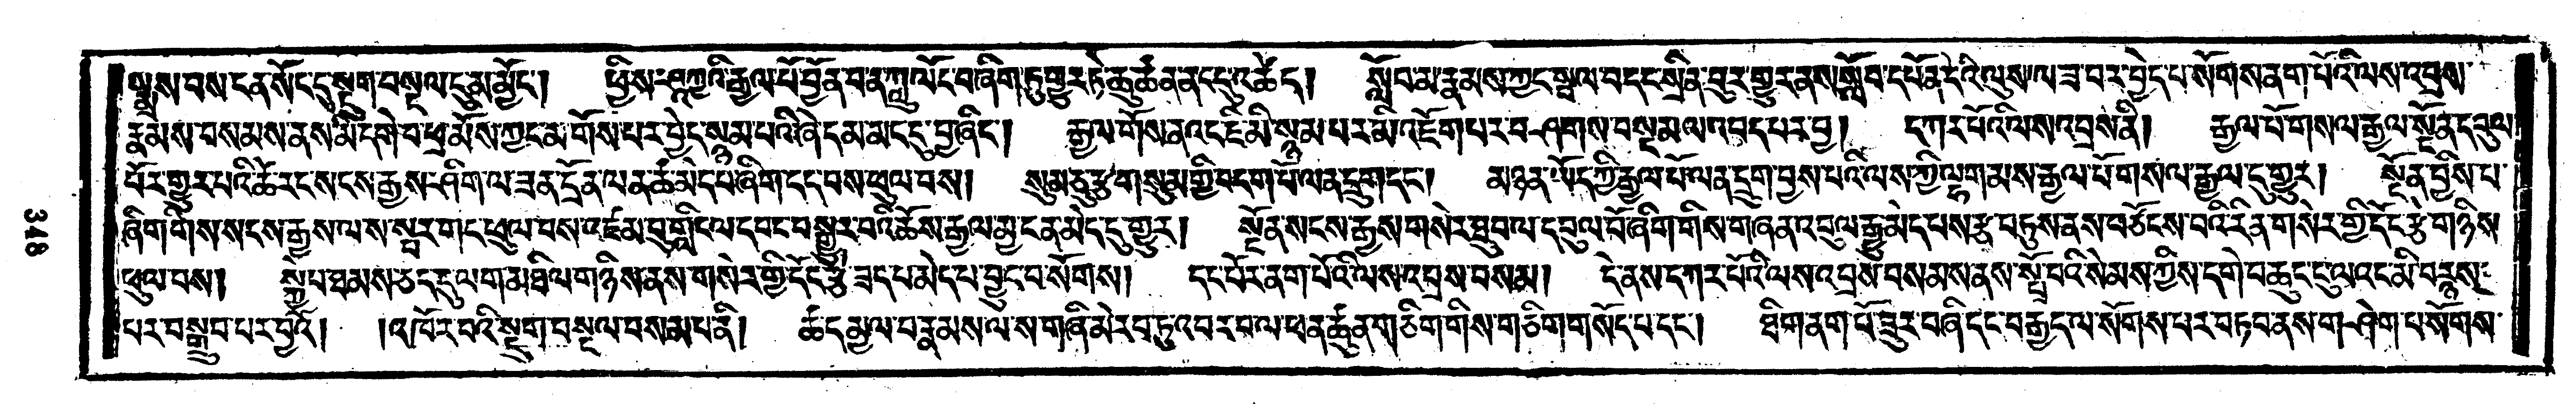སྨྲས་བས་ངན་སོང་དུ་སྡུག་བསྔལ་དུ་མ་མྱོང་། ཕྱི་ས་ཤཱཀྱའི་རྒྱལ་པོ་བྱོན་བ་ན་ཀླུ་ལོང་བ་ཞིག་ཏུ་གྱུར་ཏེ་ཆུ་ཚན་ནང་དུ་འཚེད། སློབ་མ་རྣམས་ཀྱང་སྦལ་བ་དང་སྲིན་བུར་གྱུར་ནས་སློབ་དཔོན་དེའི་ལུས་ལ་ཟ་བར་བྱེད་པ་སོགས་ནག་པོའི་ལས་འབྲས་
རྣམས་བསམས་ནས་མི་དགེ་བ་ཕྲ་མོས་ཀྱང་མགོས་པར་བྱེད་སྙམ་པའི་ཞེ་དམ་མང་དུ་བྱ་ཞིང་། རྒྱལ་གོས་ནའང་ཇི་མི་སྙམ་པར་མི་འཇོག་པར་བཤགས་བསྡམ་ལ་འབད་པར་བྱ། དཀར་པོའི་ལས་འབྲས་ནི། རྒྱལ་པོ་གསལ་རྒྱལ་སྔོན་དབུལ་
པོར་གྱུར་པའི་ཚེ་རང་སངས་རྒྱས་ཤིག་ལ་ཟན་དྲོན་ལན་ཚ་མེད་པ་ཞིག་དད་བས་ཕུལ་བས། སུམ་ཅུ་རྩ་གསུམ་གྱི་བདག་པོ་ལན་དྲུག་དང་། མཉན་ཡོད་ཀྱི་རྒྱལ་པོ་ལན་དྲུག་བྱས་པའི་ལས་ཀྱི་ལྷག་མས་རྒྱལ་པོ་གསལ་རྒྱལ་དུ་གྱུར། སྔོན་བྱིས་པ་
ཞིག་གིས་སངས་རྒྱས་ལ་ས་སྤར་གང་ཕུལ་བས་འཛམ་བུ་གླིང་ལ་དབང་བསྒྱུར་བའི་ཆོས་རྒྱལ་མྱ་ངན་མེད་དུ་གྱུར། སྔོན་སངས་རྒྱས་གསེར་ཐུབ་ལ་དབུལ་བོ་ཞིག་གིས་གཞན་འབུལ་རྒྱུ་མེད་པས་རྩ་བཏུས་ནས་བཙོངས་བའི་རིན་གསེར་གྱི་དོང་རྩེ་གཉིས་
ཕུལ་བས། སྐྱེ་བ་ཐམས་ཅད་དུ་ལག་མཐིལ་གཉིས་ནས་གསེར་གྱི་དོང་རྩེ་ཟད་པ་མེད་པ་བྱུང་བ་སོགས། དང་པོར་ནག་པོའི་ལས་འབྲས་བསམ། དེ་ནས་དཀར་པོའི་ལས་འབྲས་བསམས་ནས་སྤྲོ་བའི་སེམས་ཀྱིས་དགེ་བ་ཆུང་ངུ་ལའང་མི་བརྙས་
པར་བསྒྲུབ་པར་བྱའོ། །འཁོར་བའི་སྡུག་བསྔལ་བསམ་པ་ནི། ཚ་དམྱལ་བ་རྣམས་ལ་ས་གཞི་མེ་རབ་ཏུ་འབར་བ་ལ་ཕན་ཚུན་གཅིག་གིས་གཅིག་གསོད་པ་དང་། ཐིག་ནག་པོ་ཟུར་བཞི་དང་བརྒྱད་ལ་སོགས་པར་བཏབ་ནས་གཤེགས་པ་སོགས་